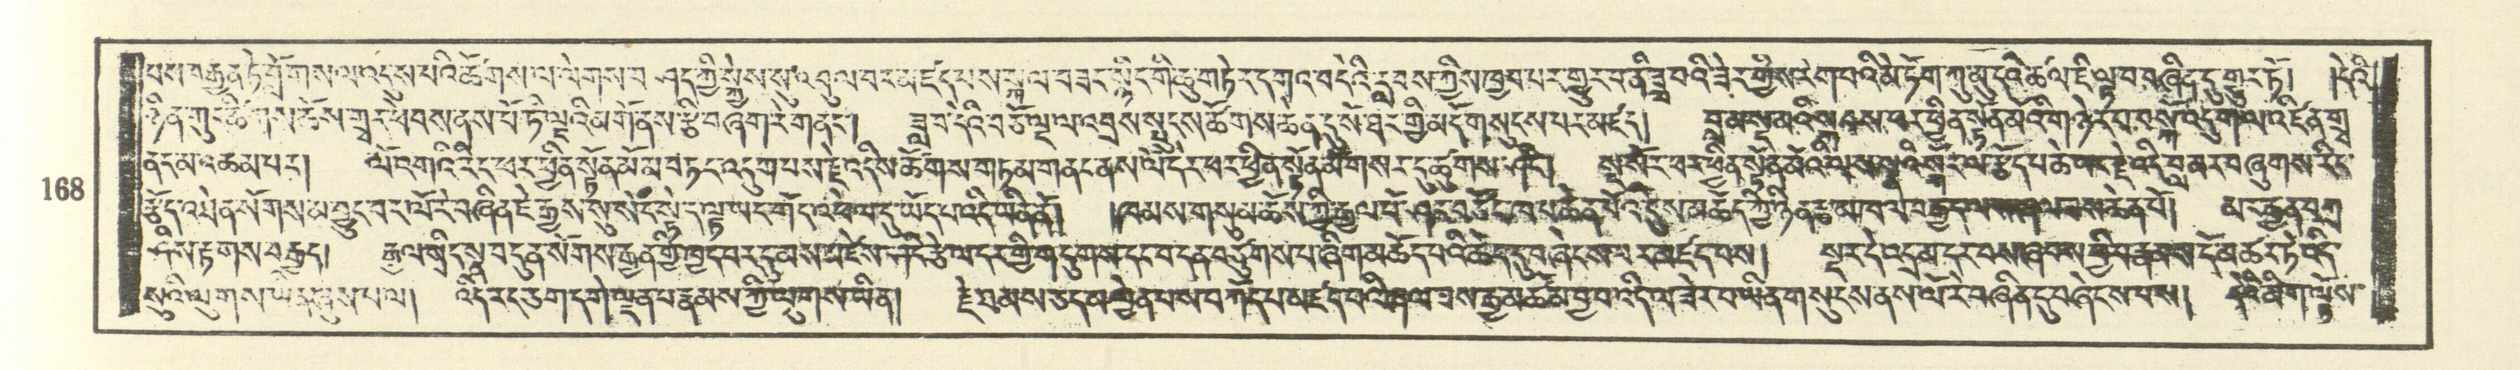པས་བརྒྱན་ཏེ་བློ་གསལ་འདུས་པའི་ཚོགས་ལ་ལེགས་བཤད་ཀྱི་སྐྱེས་བུ་འབུལ་བར་མཛད་པས་སྐལ་བཟང་སྙིང་གི་ཆུ་གཏེར་དགའ་བ་དེའི་རླབས་ཀྱིས་ཁྱབ་པར་གྱུར་པ་ནི་ཟླ་བའི་ཟེར་གྱིས་རེག་པའི་མེ་ཏོག་ཀུ་མུ་དའི་ཚལ་ཇི་ལྟ་བ་བཞིན་དུ་གྱུར་ཏོ། །དེའི་
ཉིན་གུང་ཚིགས་ཆོས་གྲྭར་ཕེབས་ནས་པོ་ཏི་ལྔའི་མགོ་ནས་རྩི་བཞག་རེ་གནང་། ཟླ་བ་དེའི་བཅོ་ལྔ་ལ་འབྲས་སྤུངས་ཚོགས་ཆེན་དུ་སོ་ཐར་གྱི་མདོ་གསུངས་པར་མཛད། བླ་མ་སྔ་མའི་སྐབས་ཕར་ཕྱིན་སྟོན་མོའི་གཉེར་པ་བསྐོ་འདུག་ལ་འཛིན་གྲྭ་ནང་མ་འཆམ་པར། ལོ་འགའི་རིང་ཕར་ཕྱིན་སྟོན་མོ་མ་བཏང་འདུག་པས་རྗེ་འདིས་ཚོགས་གཏམ་གནང་ནས་ལོ་དེར་ཕར་ཕྱིན་སྟོན་མོ་གསར་དུ་ཚུགས་ཤིང་། སྔ་སོར་ཕར་ཕྱིན་སྟོན་མོའི་ལས་སྣའི་སྐོར་ལ་རྩོད་པ་ཆེ་ཡང་རྗེ་འདི་བླ་མར་བཞུགས་རིང་
རྩོད་འཐེན་སོགས་མ་བྱུང་བར་ལོ་རེ་བཞིན་ཇེ་རྒྱས་སུ་སོང་སྟེ་ད་ལྟ་ཡང་གོང་འཕེལ་དུ་ཡོད་པ་འདི་ཡིན་ནོ། །ཁམས་གསུམ་ཆོས་ཀྱི་རྒྱལ་པོ་ཤར་བཙོང་ཁ་པ་ཆེན་པོའི་དུས་མཆོད་ཀྱི་ཉིན་རྩམ་ཁལ་བརྒྱད་ལས་ཞལ་ཟས་ཆེན་པོ། མར་རྒྱན་བཀྲ་
ཤིས་རྟགས་བརྒྱད། རྒྱལ་སྲིད་སྣ་བདུན་སོགས་རྒྱན་གྱི་ཁྱད་པར་དུ་མས་མཛེས་ཤིང་རྩེ་ལ་དར་གྱི་གདུགས་དང་བདན་བཙུགས་པ་ཞིག་མཆོད་པའི་ཆེད་དུ་བཞེངས་པར་མཛད་པས། སྔར་དེ་འདྲ་མ་དར་བས་ཞབས་ཕྱི་པ་རྣམས་ངོ་མཚར་ཉེ་འདི་
སུའི་ལུགས་ཡིན་ཞུས་པ་ལ། འདི་རང་ཅག་དགེ་ལྡན་པ་རྣམས་ཀྱི་ལུགས་ཡིན། རྗེ་ཐམས་ཅད་མཁྱེན་པས་བཀོད་པ་མཛད་པའི་ཞལ་ཟས་རྒྱ་མཚོ་མ་བྱ་བ་འདི་ལ་ཟེར་བ་ཡིན་གསུངས་ནས་ལོ་རེ་བཞིན་དུ་བཞེངས་པས། དེའི་མིག་ལྟོས་